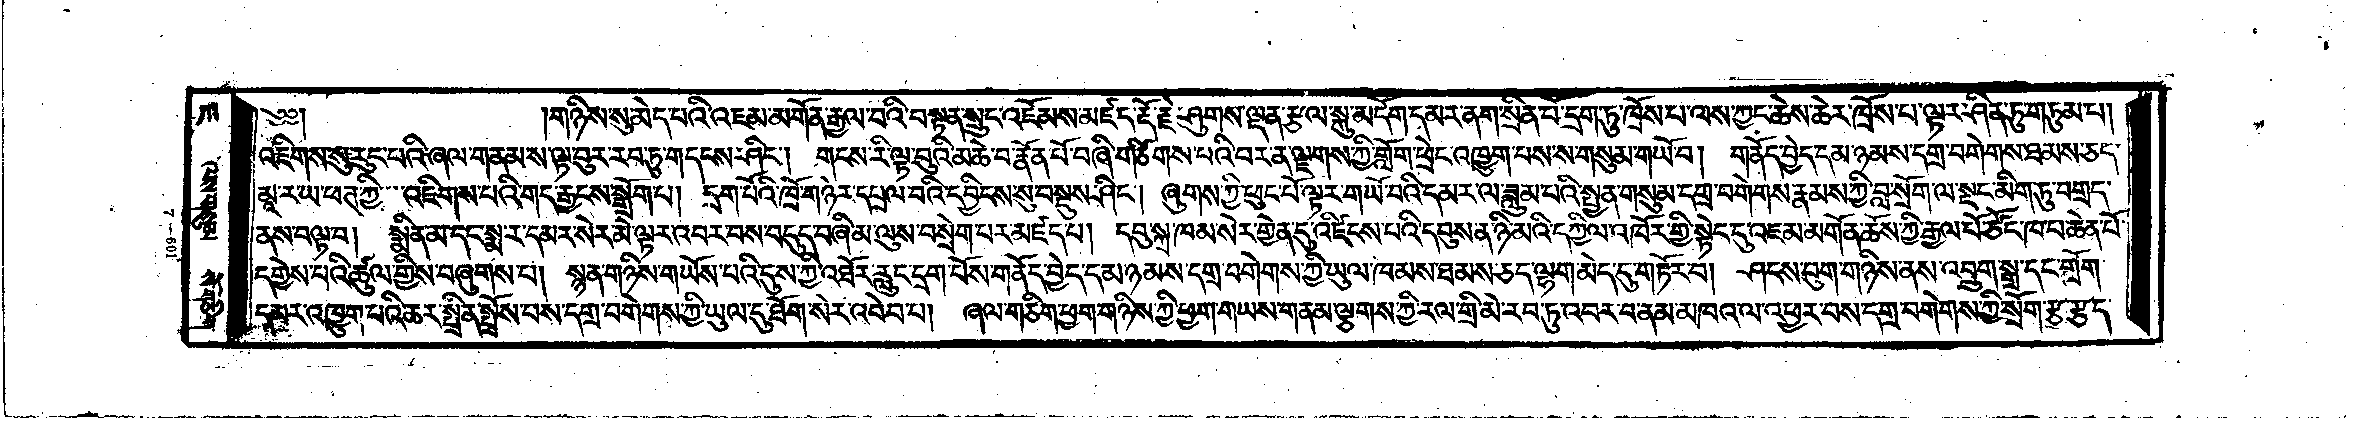༄༅། །གཉིས་སུ་མེད་པའི་འཇམ་མགོན་རྒྱལ་བའི་བསྟན་སྲུང་འཇོམས་མཛད་རྡོ་རྗེ་ཤུགས་ལྡན་རྩལ་སྐུ་མདོག་དམར་ནག་སྲིན་པོ་དྲག་ཏུ་ཁྲོས་པ་ལས་ཀྱང་ཆེས་ཆེར་ཁྲོས་པ་ལྟར་ཤིན་ཏུ་གཏུམ་པ།
འཇིགས་སུ་རུང་བའི་ཞལ་གནམ་ས་ལྟ་བུར་རབ་ཏུ་གདངས་ཤིང་། གངས་རི་ལྟ་བུའི་མཆེ་བ་རྣོན་པོ་བཞི་གཙིགས་པའི་བར་ན་ལྗགས་ཀྱི་གློག་ཕྲེང་འཁྱུག་པས་ས་གསུམ་གཡོ་བ། གནོད་བྱེད་དམ་ཉམས་དགྲ་བགེགས་ཐམས་ཅད་
སཱ་ར་ཡ་ཕཊ་ཀྱི་འཇིགས་པའི་གད་རྒྱངས་སྒྲོག་པ། དྲག་པོའི་ཁྲོ་གཉེར་དཔྲལ་བའི་དབྱིངས་སུ་བསྡུས་ཤིང་། ཞུགས་ཀྱི་ཕུང་པོ་ལྟར་གཡོ་བའི་དམར་ལ་ཟླུམ་པའི་སྤྱན་གསུམ་དགྲ་བགེགས་རྣམས་ཀྱི་བླ་སྲོག་ལ་སྡང་མིག་ཏུ་བགྲད་
ནས་བལྟ་བ། སྨིན་མ་དང་སྨར་དམར་སེར་མ་ལྟར་འབར་བས་བདུད་བཞི་མ་ལུས་བསྲེག་པར་མཛད་པ། དབུ་སྐྲ་ཁམ་སེར་གྱེན་དུ་འཛིངས་པའི་དབུས་ན་ཉི་མའི་དཀྱིལ་འཁོར་གྱི་སྟེང་དུ་འཇམ་མགོན་ཆོས་ཀྱི་རྒྱལ་པོ་ཙོང་ཁ་པ་ཆེན་པོ་
དགྱེས་པའི་ཚུལ་གྱིས་བཞུགས་པ། སྙན་གཉིས་གཡོས་པའི་དུས་ཀྱི་འཐོར་རླུང་དྲག་པོས་གནོད་བྱེད་དམ་ཉམས་དགྲ་བགེགས་ཀྱི་ཡུལ་ཁམས་ཐམས་ཅད་ལྷག་མེད་དུ་གཏོར་བ། ཤངས་བུག་གཉིས་ནས་འབྲུག་སྒྲ་དང་གློག་
དམར་འཁྱུག་བའི་ཆར་སྤྲིན་སྤྲོས་པས་དགྲ་བགེགས་ཀྱི་ཡུལ་དུ་ཐོག་སེར་འབེབ་པ། ཞལ་གཅིག་ཕྱག་གཉིས་ཀྱི་ཕྱག་གཡས་གནམ་ལྕགས་ཀྱི་རལ་གྲི་མེ་རབ་ཏུ་འབར་བ་ནམ་མཁའ་ལ་འཕྱར་བས་དགྲ་བགེགས་ཀྱི་སྲོག་རྩ་རྩད་